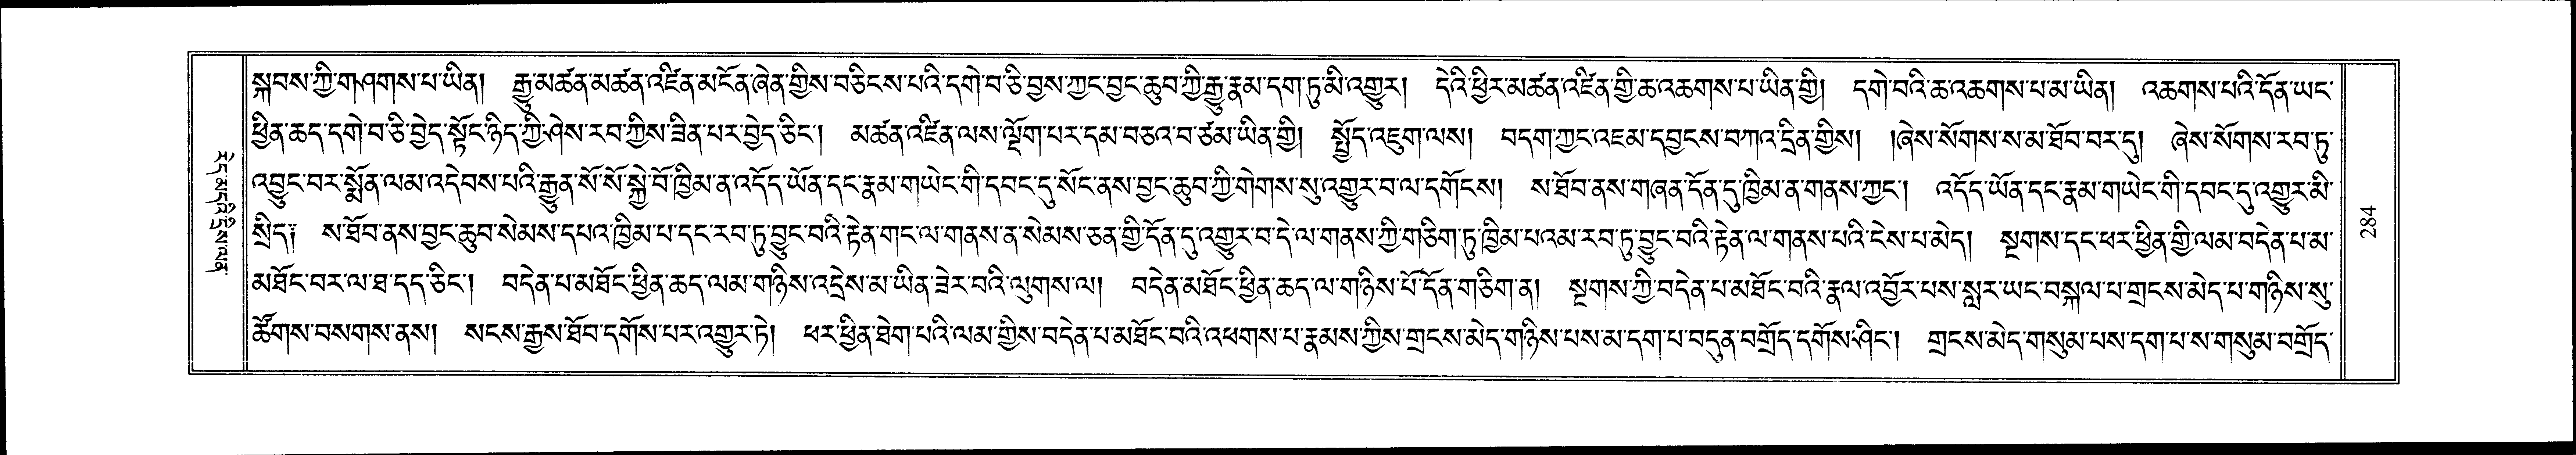སྐབས་ཀྱི་གཤགས་པ་ཡིན། རྒྱུ་མཚན་མཚན་འཛིན་མངོན་ཞེན་གྱིས་བཅིངས་པའི་དགེ་བ་ཅི་བྱས་ཀྱང་བྱང་ཆུབ་ཀྱི་རྒྱུ་རྣམ་དག་ཏུ་མི་འགྱུར། དེའི་ཕྱིར་མཚན་འཛིན་གྱི་ཆ་འཆགས་པ་ཡིན་གྱི། དགེ་བའི་ཆ་འཆགས་པ་མ་ཡིན། འཆགས་པའི་དོན་ཡང་
ཕྱིན་ཆད་དགེ་བ་ཅི་བྱེད་སྟོང་ཉིད་ཀྱི་ཤེས་རབ་ཀྱིས་ཟིན་པར་བྱེད་ཅིང་། མཚན་འཛིན་ལས་ལྡོག་པར་དམ་བཅའ་བ་ཙམ་ཡིན་གྱི། སྤྱོད་འཇུག་ལས། བདག་ཀྱང་འཇམ་དབྱངས་བཀའ་དྲིན་གྱིས། །ཞེས་སོགས་ས་མ་ཐོབ་བར་དུ། ཞེས་སོགས་རབ་ཏུ་
འབྱུང་བར་སྨོན་ལམ་འདེབས་པའི་རྒྱུན་སོ་སོ་སྐྱེ་བོ་ཁྱིམ་ན་འདོད་ཡོན་དང་རྣམ་གཡེང་གི་དབང་དུ་སོང་ནས་བྱང་ཆུབ་ཀྱི་གེགས་སུ་འགྱུར་བ་ལ་དགོངས། ས་ཐོབ་ནས་གཞན་དོན་དུ་ཁྱིམ་ན་གནས་ཀྱང་། འདོད་ཡོན་དང་རྣམ་གཡེང་གི་དབང་དུ་འགྱུར་མི་
སྲིད། ས་ཐོབ་ནས་བྱང་ཆུབ་སེམས་དཔའ་ཁྱིམ་པ་དང་རབ་ཏུ་བྱུང་བའི་རྟེན་གང་ལ་གནས་ན་སེམས་ཅན་གྱི་དོན་དུ་འགྱུར་བ་དེ་ལ་གནས་ཀྱི་གཅིག་ཏུ་ཁྱིམ་པའམ་རབ་ཏུ་བྱུང་བའི་རྟེན་ལ་གནས་པའི་ངེས་པ་མེད། སྔགས་དང་ཕར་ཕྱིན་གྱི་ལམ་བདེན་པ་མ་
མཐོང་བར་ལ་ཐ་དད་ཅིང་། བདེན་པ་མཐོང་ཕྱིན་ཆད་ལམ་གཉིས་འདྲེས་མ་ཡིན་ཟེར་བའི་ལུགས་ལ། བདེན་མཐོང་ཕྱིན་ཆད་ལ་གཉིས་པོ་དོན་གཅིག་ན། སྔགས་ཀྱི་བདེན་པ་མཐོང་བའི་རྣལ་འབྱོར་པས་སླར་ཡང་བསྐལ་པ་གྲངས་མེད་པ་གཉིས་སུ་
ཚོགས་བསགས་ནས། སངས་རྒྱས་ཐོབ་དགོས་པར་འགྱུར་ཏེ། ཕར་ཕྱིན་ཐེག་པའི་ལམ་གྱིས་བདེན་པ་མཐོང་བའི་འཕགས་པ་རྣམས་ཀྱིས་གྲངས་མེད་གཉིས་པས་མ་དག་པ་བདུན་བགྲོད་དགོས་ཤིང་། གྲངས་མེད་གསུམ་པས་དག་པ་ས་གསུམ་བགྲོད་